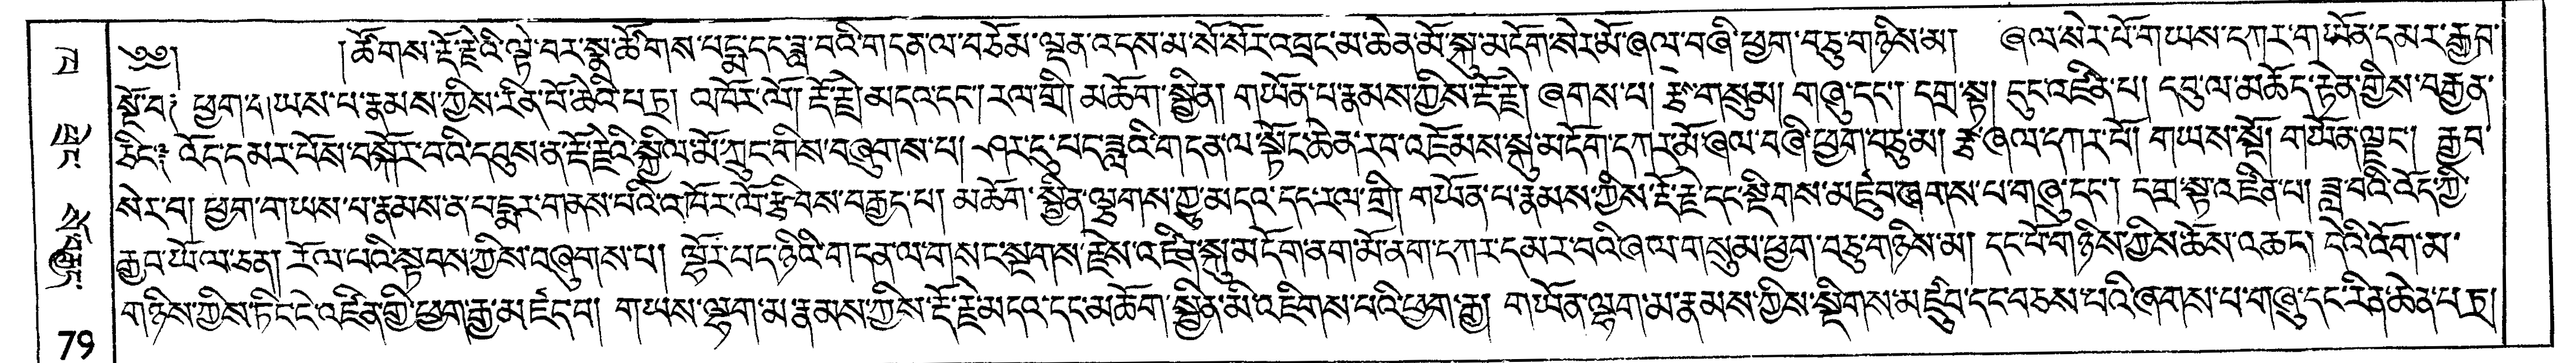༄༅། །ཚོགས་རྡོ་རྗེའི་ལྟེ་བར་སྣ་ཚོགས་པདམ་དང་ཟླ་བའི་གདན་ལ་བཅོམ་ལྡན་འདས་མ་སོ་སོར་འབྲང་མ་ཆེན་མོ་སྐུ་མདོག་སེར་མོ་ཞལ་བཞི་ཕྱག་བཅུ་གཉིས་མ། ཞལ་སེར་པོ་གཡས་དཀར་གཡོན་དམར་རྒྱབ་
སྔོ་བ༑ ཕྱག་གཡས་པ་རྣམས་ཀྱིས་རིན་པོ་ཆེའི་པཏྲ། འཁོར་ལོ། རྡོ་རྗེ། མདའ་དང་། རལ་གྲི། མཆོག་སྦྱིན། གཡོན་པ་རྣམས་ཀྱིས་རྡོ་རྗེ། ཞགས་པ། རྩེ་གསུམ། གཞུ་དང་། དགྲ་སྟ། དུང་འཛིན་པ། དབུ་ལ་མཆོད་རྟེན་གྱིས་བརྒྱན་
ཅིང༑ འོད་དམར་པོས་བསྐོར་བའི་དབུས་ན་རྡོ་རྗེའི་སྐྱིལ་མོ་ཀྲུང་གིས་བཞུགས་པ། ཤར་དུ་པད་ཟླའི་གདན་ལ་སྟོང་ཆེན་རབ་འཇོམས་སྐུ་མདོག་དཀར་མོ་ཞལ་བཞི་ཕྱག་བཅུ་མ། རྩ་ཞལ་དཀར་པོ། གཡས་སྔོ། གཡོན་ལྗང་། རྒྱབ་
སེར་བ། ཕྱག་གཡས་པ་རྣམས་ན་པདམར་གནས་པའི་འཁོར་ལོ་རྩིབས་བརྒྱད་པ། མཆོག་སྦྱིན་ལྕགས་ཀྱུ་མདའ་དང་རལ་གྲི། གཡོན་པ་རྣམས་ཀྱིས་རྡོ་རྗེ་དང་སྡིགས་མཛུབ་ཞགས་པ་གཞུ་དང་། དགྲ་སྟ་འཛིན་པ། ཟླ་བའི་འོད་ཀྱི་
རྒྱབ་ཡོལ་ཅན། རོལ་པའི་སྟབས་ཀྱིས་བཞུགས་པ། ལྷོར་པད་ཉིའི་གདན་ལ་གསང་སྔགས་རྗེས་འཛིན་སྐུ་མདོག་ནག་མོ་ནག་དཀར་དམར་བའི་ཞལ་གསུམ་ཕྱག་བཅུ་གཉིས་མ། དང་པོ་གཉིས་ཀྱིས་ཆོས་འཆད། དེའི་འོག་མ་
གཉིས་ཀྱིས་ཏིང་ངེ་འཛིན་གྱི་ཕྱག་རྒྱ་མཛད་པ། གཡས་ལྷག་མ་རྣམས་ཀྱིས་རྡོ་རྗེ་མདའ་དང་མཆོག་སྦྱིན་མི་འཇིགས་པའི་ཕྱག་རྒྱ། གཡོན་ལྷག་མ་རྣམས་ཀྱིས་སྡིགས་མཛུབ་དང་བཅས་པའི་ཞགས་པ་གཞུ་དང་རིན་ཆེན་པ་ཏྲ།